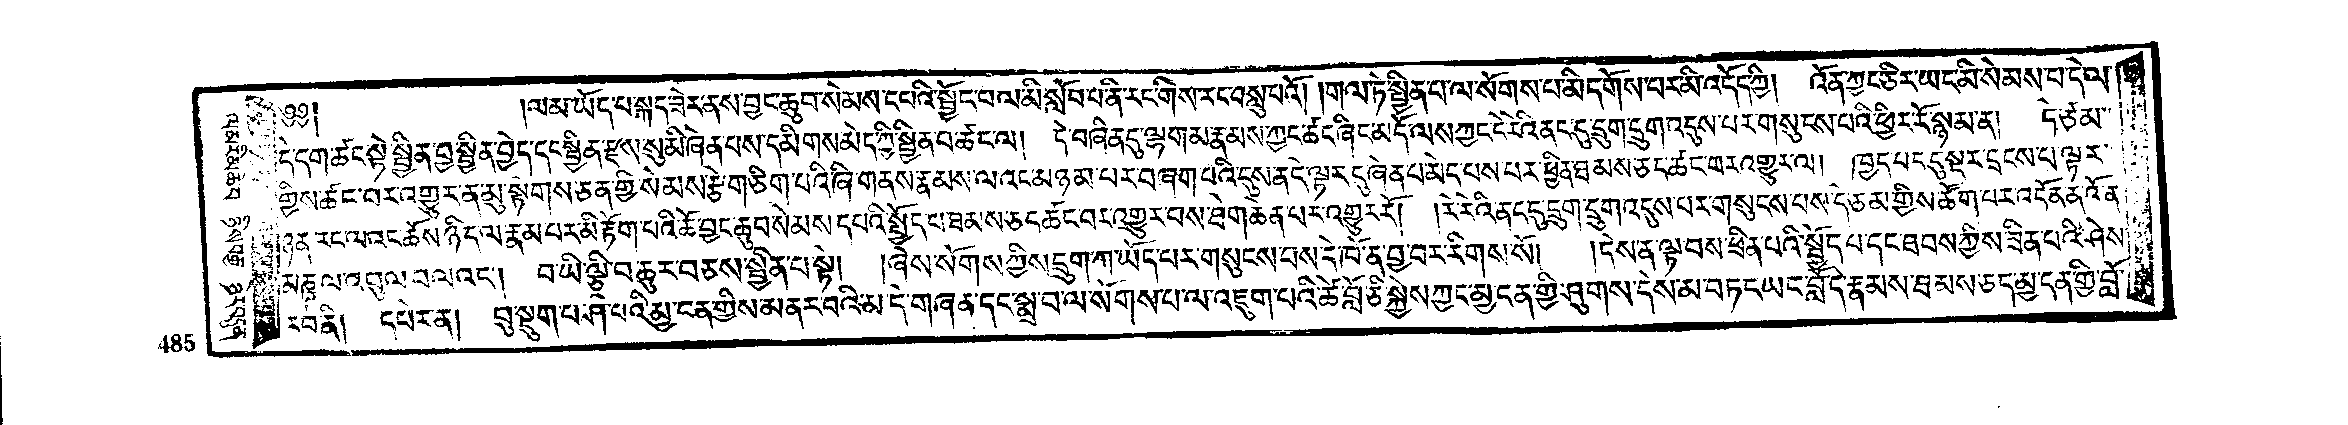༄༅། །ལམ་ཡོད་པ་སྐད་ཟེར་ནས་བྱང་ཆུབ་སེམས་དཔའི་སྤྱོད་པ་ལ་མི་སློབ་པ་ནི་རང་གིས་རང་བསླུ་བའོ། །གལ་ཏེ་སྦྱིན་པ་ལ་སོགས་པ་མི་དགོས་པར་མི་འདོད་ཀྱི། འོན་ཀྱང་ཅིར་ཡང་མི་སེམས་པ་དེ་ལ་
དེ་དག་ཚང་སྟེ་སྦྱིན་བྱ་སྦྱིན་བྱེད་དང་སྦྱིན་རྫས་སུ་མི་ཞེན་པས་དམིགས་མེད་ཀྱི་སྦྱིན་པ་ཚང་ལ། དེ་བཞིན་དུ་ལྷག་མ་རྣམས་ཀྱང་ཚང་ཞིང་མདོ་ལས་ཀྱང་རེ་རེའི་ནང་དུ་དྲུག་དྲུག་འདུས་པར་གསུངས་པའི་ཕྱིར་རོ་སྙམ་ན། དེ་ཙམ་
གྱིས་ཚང་བར་འགྱུར་ན་མུ་སྟེགས་ཅན་གྱི་སེམས་རྩེ་གཅིག་པའི་ཞི་གནས་རྣམས་ལའང་མཉམ་པར་བཞག་པའི་དུས་ན་དེ་ལྟར་དུ་ཞེན་པ་མེད་པས་ཕར་ཕྱིན་ཐམས་ཅད་ཚང་བར་འགྱུར་ལ། ཁྱད་པར་དུ་སྔར་དྲངས་པ་ལྟར་
ཉན་རང་ལའང་ཆོས་ཉིད་ལ་རྣམ་པར་མི་རྟོག་པའི་ཚེ་བྱང་ཆུབ་སེམས་དཔའི་སྤྱོད་པ་ཐམས་ཅད་ཚང་བར་འགྱུར་བས་ཐེག་ཆེན་པར་འགྱུར་རོ། །རེ་རེའི་ནང་དུ་དྲུག་དྲུག་འདུས་པར་གསུངས་པས་དེ་ཙམ་གྱིས་ཆོག་པར་འདོད་ན་འོ་ན་
མཎྜལ་འབུལ་བ་ལའང་། བ་ཡི་ལྕི་བ་ཆུར་བཅས་སྤྱིན་པ་སྟེ། །ཞེས་སོགས་ཀྱིས་དྲུག་ཀ་ཡོད་པར་གསུངས་པས་དེ་ཁོ་ན་བྱ་བར་རིགས་སོ། །དེས་ན་ལྟ་བས་ཟིན་པའི་སྤྱོད་པ་དང་ཐབས་ཀྱིས་ཟིན་པའི་ཤེས་
རབ་ནི། དཔེར་ན། བུ་སྡུག་པ་ཤི་བའི་མྱ་ངན་གྱིས་མནར་བའི་མ་དེ་གཞན་དང་སྨྲ་བ་ལ་སོགས་པ་ལ་འཇུག་པའི་ཚེ་བློ་ཅི་སྐྱེས་ཀྱང་མྱ་ངན་གྱི་ཤུགས་དེས་མ་བཏང་ཡང་བློ་དེ་རྣམས་ཐམས་ཅད་མྱ་ངན་གྱི་བློ་